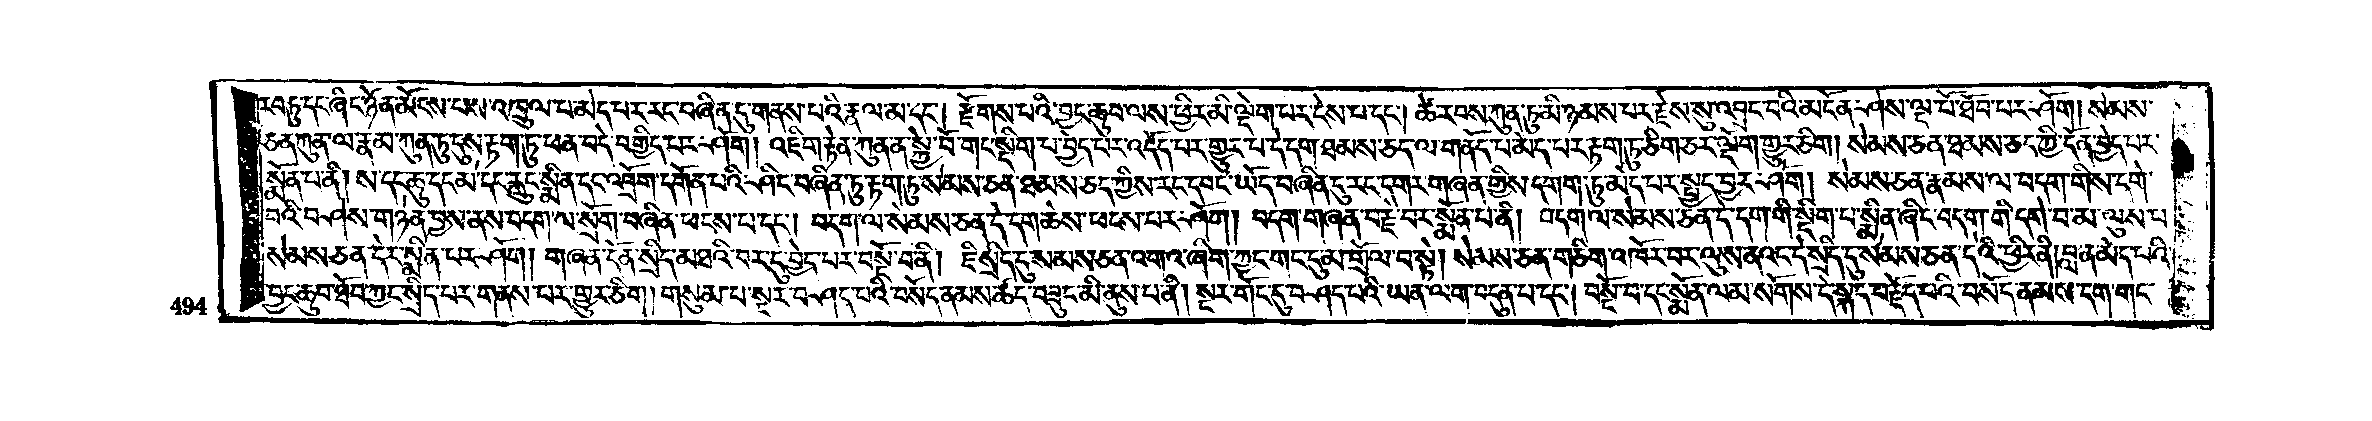རབ་ཏུ་དང་ཞིང་ཉོན་མོངས་པས་འཁྲུལ་པ་མེད་པར་རང་བཞིན་དུ་གནས་པའི་རྣལ་མ་དང་། རྫོགས་པའི་བྱང་ཆུབ་ལས་ཕྱིར་མི་ལྡོག་པར་ངེས་པ་དང་། ཚེ་རབས་ཀུན་ཏུ་མི་ཉམས་པར་རྗེས་སུ་འབྲང་བའི་མངོན་ཤེས་ལྔ་པོ་ཐོབ་པར་ཤོག །སེམས་
ཅན་ཀུན་ལ་རྣམ་ཀུན་ཏུ་དུས་རྟག་ཏུ་ཕན་པ་དེ་བགྱིད་པར་ཤོག །འཇིག་རྟེན་ཀུན་ན་སྐྱེ་བོ་གང་སྡིག་པ་བྱེད་པར་འདོད་པར་གྱུར་པ་དེ་དག་ཐམས་ཅད་ལ་གནོད་པ་མེད་པར་རྟག་ཏུ་ཅིག་ཅར་ལྡོག་གྱུར་ཅིག །སེམས་ཅན་ཐམས་ཅད་ཀྱི་དོན་བྱེད་པར་
སྨོན་པ་ནི། ས་དང་ཆུ་དང་མི་དང་རླུང་སྨིན་དང་འབྲོག་དགོན་པའི་ཤིང་བཞིན་ཏུ་རྟག་ཏུ་སེམས་ཅན་ཐམས་ཅད་ཀྱིས་རང་དབང་ཡོད་བཞིན་དུ་རང་དགར་གཞན་གྱིས་དགག་ཏུ་མེད་པར་སྤྱད་བྱར་ཤོག །སེམས་ཅན་རྣམས་ལ་བདག་གིས་དགེ་
བའི་བཤེས་གཉེན་བྱས་ནས་བདག་ལ་སྲོག་བཞིན་ཕངས་པ་དང་། བདག་ལ་སེམས་ཅན་དེ་དག་ཆེས་ཕངས་པར་ཤོག །བདག་གཞན་བརྗེ་པར་སྨོན་པ་ནི། བདག་ལ་སེམས་ཅན་དེ་དག་གི་སྡིག་པ་སྨིན་ཞིང་བདག་གི་དགེ་བ་མ་ལུས་པ་
སེམས་ཅན་དེར་སྨིན་པར་ཤོག །གཞན་དོན་སྲིད་མཐའི་བར་དུ་བྱེད་པར་བསྔོ་བ་ནི། ཇི་སྲིད་དུ་སེམས་ཅན་འགའ་ཞིག་ཀྱང་གང་དུ་མ་གྲོལ་བ་སྟེ། སེམས་ཅན་གཅིག་འཁོར་བར་ལུས་ནའང་དེ་སྲིད་དུ་སེམས་ཅན་དེའི་ཕྱིར་ནི། བླ་ན་མེད་པའི་
བྱང་ཆུབ་ཐོབ་ཀྱང་སྲིད་པར་གནས་པར་གྱུར་ཅིག །གསུམ་པ་སྔར་བཤད་པའི་བསོད་ནམས་ཚད་བཟུང་མི་ནུས་པ་ནི། སྔར་གོང་དུ་བཤད་པའི་ཡན་ལག་བདུན་པ་དང་། བསྔོ་བ་དང་སྨོན་ལམ་སོགས་དེ་སྐད་བརྗོད་པའི་བསོད་ནམས་དག་གང་